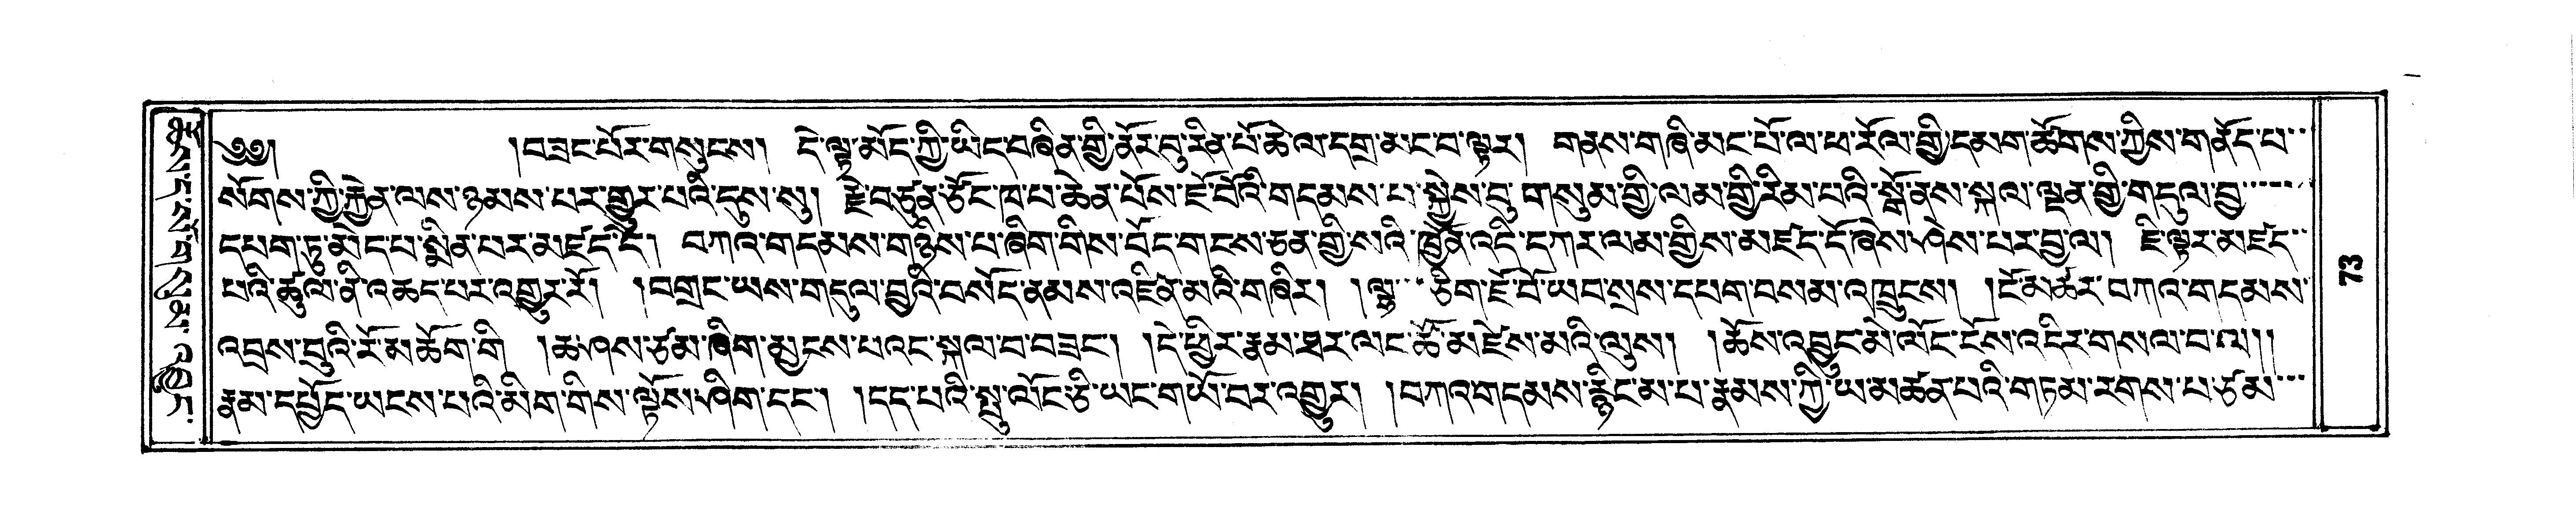༄༅། །བཟང་པོར་གསུངས། དེ་ལྟ་མོད་ཀྱི་ཡིད་བཞིན་གྱི་ནོར་བུ་རིན་པོ་ཆེ་ལ་དགྲ་མང་བ་ལྟར། གནས་གཞི་མང་པོ་ལ་ཕ་རོལ་གྱི་དམག་ཚོགས་ཀྱིས་གནོད་པ་
སོགས་ཀྱི་རྐྱེན་ལས་ཉམས་པར་གྱུར་པའི་དུས་སུ། རྗེ་བཙུན་ཙོང་ཁ་པ་ཆེན་པོས་ཇོ་བོའི་གདམས་པ་སྐྱེས་བུ་གསུམ་གྱི་ལམ་གྱི་རིམ་པའི་སྒོ་ནས་སྐལ་ལྡན་གྱི་གདུལ་བྱ་
དཔག་ཏུ་མེད་པ་སྨིན་པར་མཛད་དེ། བཀའ་གདམས་གཉིས་པ་ཞིག་གིས་བོད་གངས་ཅན་གྱི་སའི་ཁྱོན་འདི་དཀར་ལམ་གྱིས་མཛད་དོ་ཞེས་ཤེས་པར་བྱ་ལ། ཇི་ལྟར་མཛད་
པའི་ཚུལ་ནི་འཆད་པར་འགྱུར་རོ། །བགྲང་ཡས་གདུལ་བྱའི་བསོད་ནམས་འཛིན་མའི་གཞིར། །ལྷ་ཅིག་ཇོ་བོ་ཡབ་སྲས་དཔག་བསམ་འཁྲུངས། །ངོ་མཚར་བཀའ་གདམས་
འབྲས་བུའི་རོ་མཆོག་གི །ཆ་ཤས་ཙམ་ཞིག་མྱངས་པའང་སྐལ་བ་བཟང་། །དེ་ཕྱིར་རྣམ་ཐར་ལང་ཚོ་མཛེས་མའི་ལུས། །ཆོས་འབྱུང་མེ་ལོང་ངོས་འདིར་གསལ་བ་ལ། །
རྣམ་དཔྱོད་ཡངས་པའི་མིག་གིས་ལྟོས་ཤིག་དང་། །དད་པའི་སྤུ་ལོང་ཅི་ཡང་གཡོ་བར་འགྱུར། །བཀའ་གདམས་རྙིང་མ་བ་རྣམས་ཀྱི་ཡ་མཚན་པའི་གཏམ་རགས་པ་ཙམ་